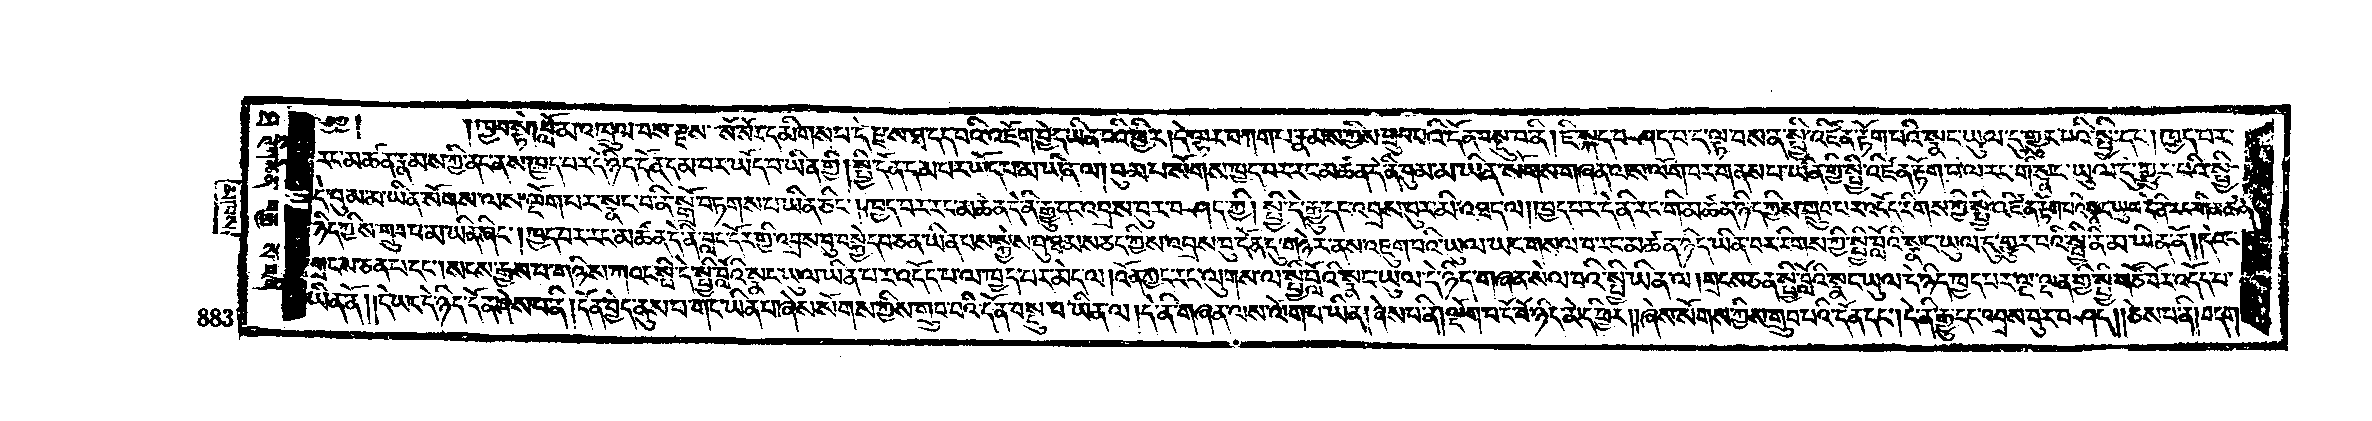༄༅། །ཁྱབ་སྟེ། བློ་མ་འཁྲུལ་བས་རྫས་སོ་སོར་དམིགས་པ་དེ་རྫས་ཐ་དད་པའི་འཇོག་བྱེད་ཡིན་པའི་ཕྱིར། དེ་ལྟར་བཀག་པ་རྣམས་ཀྱིས་གྲུབ་པའི་དོན་བསྡུ་བ་ནི། ཇི་སྐད་བཤད་པ་དེ་ལྟ་བས་ན་སྤྱི་འཛིན་རྟོག་པའི་སྣང་ཡུལ་དུ་གྱུར་པའི་སྤྱི་དང་། ཁྱད་པར་
རང་མཚན་རྣམས་ཀྱི་ནང་ནས་ཁྱད་པར་དེ་ཉིད་དོན་དམ་པར་ཡོད་པ་ཡིན་གྱི། སྤྱི་དོན་དམ་པར་ཡོད་པ་མ་ཡིན་ལ། བུམ་པ་སོགས་ཁྱད་པར་རང་མཚན་དེ་ནི་བུམ་མ་ཡིན་སོགས་གཞན་ལས་ལོག་པར་གནས་པ་ཡིན་གྱི་སྤྱི་འཛིན་རྟོག་པ་ལ་རང་གི་སྣང་ཡུ་དུ་གྱུར་པའི་སྤྱི་
དེ་བུམ་མ་ཡིན་སོགས་ལས་ལྡོག་པར་སྣང་བ་ནི་སྒྲོ་བཏགས་པ་ཡིན་ཅིང་། ཁྱད་པར་ཏང་མཚན་དེ་ནི། རྒྱུ་དང་འབྲས་བུར་བཤད་ཀྱི། སྤྱི་དེ་རྒྱུ་དང་འབྲས་བུར་མི་འཐད་ལ། ཁྱད་པར་དེ་ནི་རང་གི་མཚན་ཉིད་ཀྱིས་གྲུབ་པར་འདོད་རིགས་ཀྱི་སྤྱི་འཛིན་རྟོག་པའི་སྣང་ཡུལ་དེ་ནི་རང་གི་མཚན་
ཉིད་ཀྱིས་གྲུབ་པ་མ་ཡིན་ཞིང་། ཁྱད་པར་རང་མཚན་དེ་ནི་བླང་དོར་གྱི་འབྲས་བུ་བསྐྱེད་པ་ཅན་ཡིན་པས་སྐྱེས་བུ་ཐམས་ཅད་ཀྱིས་འབྲས་བུ་དོན་དུ་གཉེར་ནས་འཇུག་པའི་ཡུལ་ཡང་གསལ་བ་རང་མཚན་ཉིད་ཡིན་པར་རིགས་ཀྱི་སྤྱི་བློའི་སྣང་ཡུལ་དུ་གྱུར་བའི་སྤྱི་ནི་མ་ཡིན་ནོ། །དེའང་
གྲངས་ཅན་པ་དང་། སངས་རྒྱས་པ་གཉིས་ཀའང་སྤྱི་དེ་སྤྱི་བློའི་སྣང་ཡུལ་ཡིན་པར་འདོད་པ་ལ་ཁྱད་པར་མེད་ལ། འོན་ཀྱང་རང་ལུགས་ལ་སྤྱི་བློའི་སྣང་ཡུལ་དེ་ཉིད་གཞན་སེལ་བའི་སྤྱི་ཡིན་ལ། གྲངས་ཅན་སྤྱི་བློའི་སྣང་ཡུལ་དེ་ཉིད་ཁྱད་པར་ལྔ་ལྡན་གྱི་སྤྱི་གཙོ་བོར་འདོད་པ་
ཡིན་ནོ། དེ་ཡང་དེ་ཉིད་དོན་ཞེས་པ་ནི། དོན་བྱེད་ནུས་པ་གང་ཡིན་པ་ཞེས་སོགས་ཀྱིས་གྲུབ་པའི་དོན་བསྡུ་བ་ཡིན་ལ། དེ་ནི་གཞན་ལས་ལོག་པ་ཡིན། ཞེས་པ་ནི། ལྡོག་པ་ངོ་བོ་ཉིད་མེད་ཕྱིར། །ཞེས་སོགས་ཀྱིས་གྲུབ་པའི་དོན་དང་། དེ་ནི་རྒྱུ་དང་འབྲས་བུར་བཤད། ཅེས་པ་ནི། བདག་